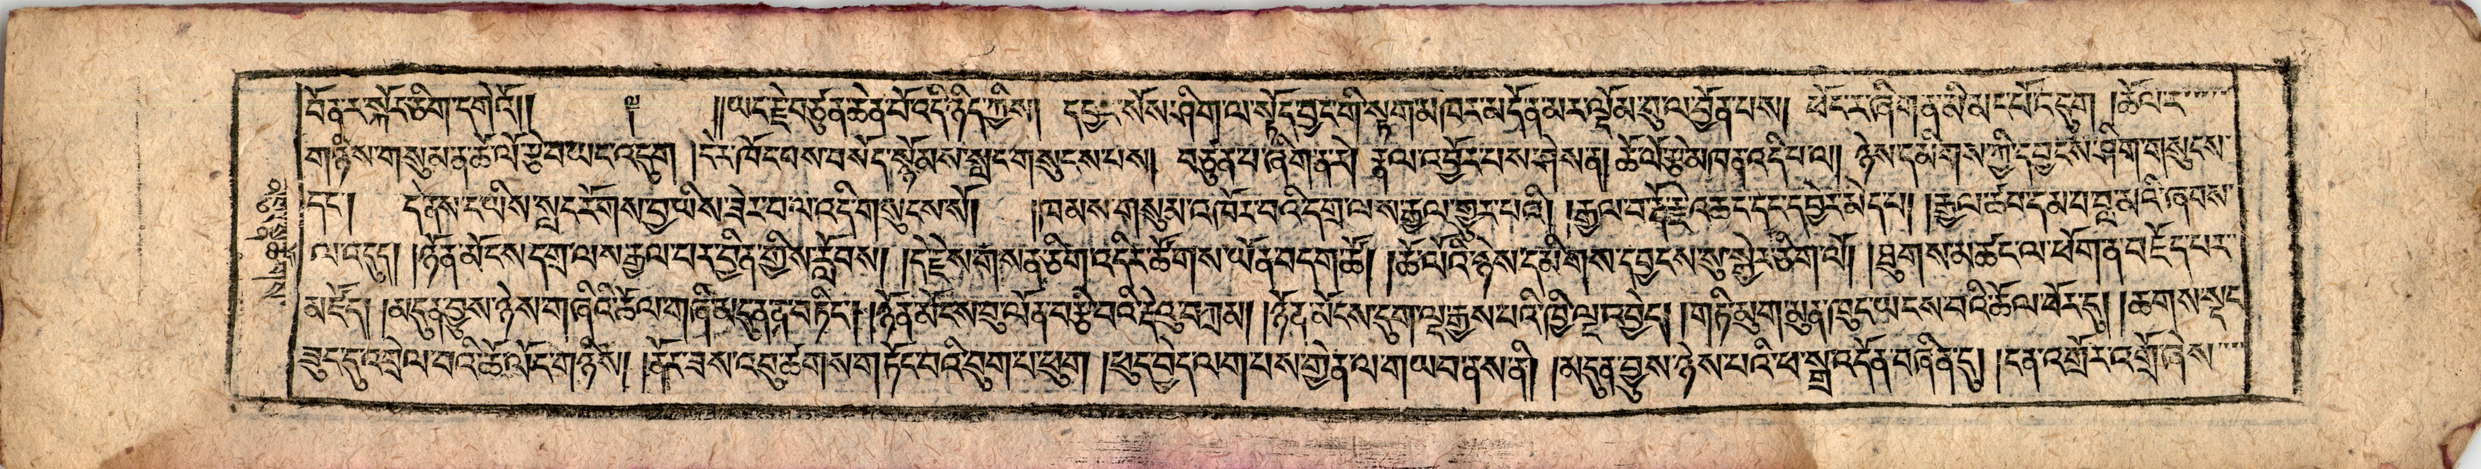བོན་ར་སྐོར་ཅིག་དགེའོ།། ༈ ཡང་རྗེ་བཙུན་ཆེན་པོ་འདི་ཉིད་ཀྱིས། དབྱར་སོས་ཤིག་ལ་སྟོད་བྱང་གི་སྟག་མཁར་མདོ་ན་མར་ལྡོམ་བུ་ལ་བྱོན་པས། ཕོང་ར་ཞིག་ན་མི་མང་པོ་འདུག །ཆོལ་ར་
གཉིས་གསུམ་ན་ཆོ་ལོ་རྩེ་བ་ཡང་འདུག །དེར་ཁོང་བས་བསོད་སྙོམས་སླང་གསུངས་པས། བཙུན་པ་ཞིག་ན་ཡེ། རྣལ་འབྱོར་པས་ཤེས་ན། ཆོ་ལོ་རྩེ་མཁན་འདི་པ་ལ། ཉེས་དམིགས་ཀྱི་དབྱངས་ཤིག་གསུངས།
དེ་ནས་ང་ཡིས་སློང་རོགས་བྱ་ཡིས་ཟེར་བ་ལ་འདི་གསུངས་སོ། །ཁམས་གསུམ་འཁོར་བའི་དགྲ་ལས་རྒྱལ་གྱུར་པའི། །རྒྱལ་བ་རྗེ་འཆང་དང་དབྱེར་མེད་པ། །རྒྱབ་ཚབ་དམ་པ་སྔ་མའི་ཞབས་
ལ་འདུད། །ཉོན་མོངས་དགྲ་ལས་རྒྱལ་བར་བྱིན་གྱིས་རློབས། །དེ་རྗེས་གསན་ཅིག་འདིར་ཚོགས་ཡོན་བདག་ཚོ། །ཆོ་ལོའི་ཉེས་དམིགས་དབྱངས་སུ་སྦྱར་ཅིག་ལོ། །ཐུགས་མཚང་ལ་ཕོག་ན་བཟོད་པར་
མཛོད། །མདུན་བྱུས་ཉེས་གཞིའི་ཆོལ་གཞི་མདུན་ན་བཏིང་། །ཉོན་མོངས་བུ་ལོན་བརྩི་བའི་རྡེའུ་བཀྲམ། །ཉོན་མོངས་དུག་ལྔ་རྒྱས་པའི་ཁྱི་ལྔ་འབྱེད། །གཏི་མུག་མུན་ཁུང་ཡངས་པའི་ཆོལ་ཕོར་དུ། །ཆགས་སྡང་
ཟུང་དུ་འགྲེལ་བའི་ཆོ་ལོང་གཉིས། །ནོར་ཟས་འབུ་ཚགས་གཏོང་བའི་བུག་པ་ཕུག །ཕུང་བྱེད་ལག་པས་གྱེན་ལ་གཡབ་ནས་ནི། །མདུན་བྱུས་ཉེས་པའི་ཕ་སྒྲ་འདོན་བཞིན་དུ། །ངན་འགྲོར་འགྲོ་ཞེས་